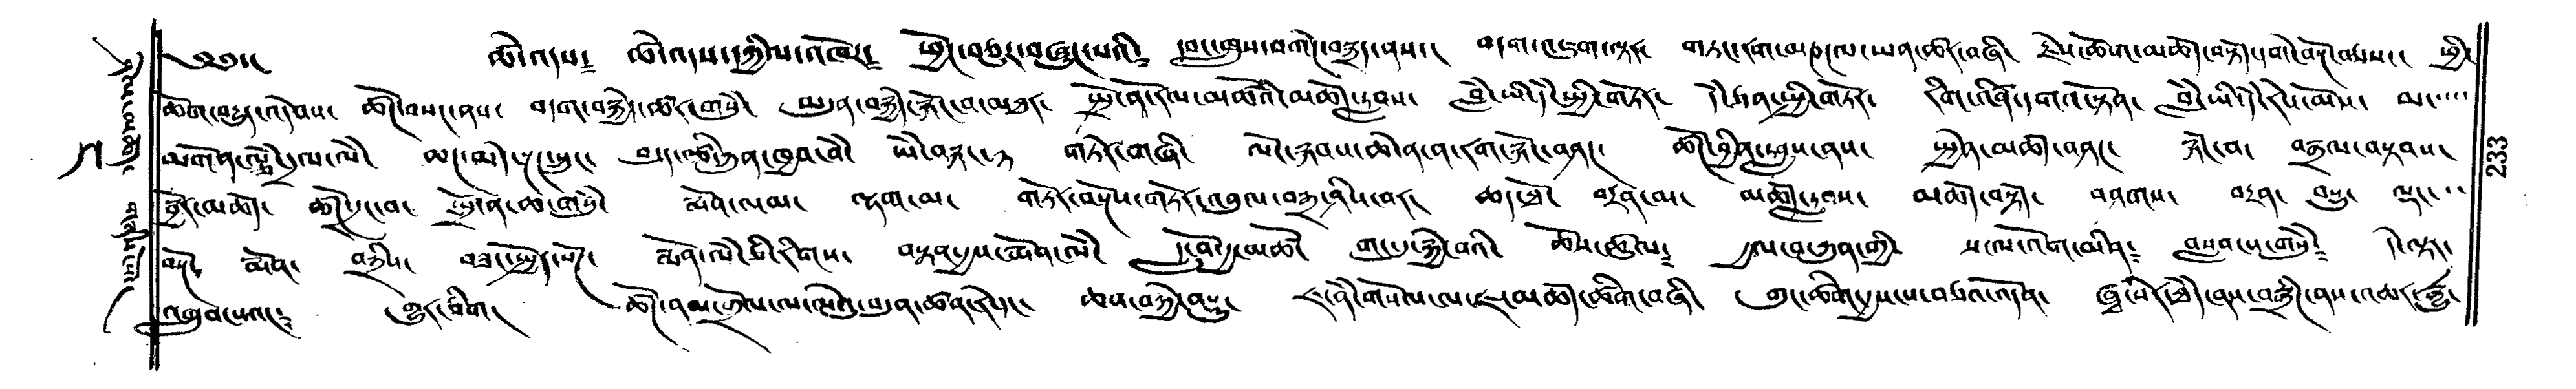ཚེ་འདས༴ ཚེ་འདས་དཀྱིལ་འཁོར༴ ཕྱོགས་བཅུར་བཞུགས་པའི༴ དབང་ཁྲུས་བགེགས་བསྐྲད་ནས། བདག་འཇུག་ལྟར། གཏང་རག་མཎྜལ་ཡན་ཚར་བཞི། རྗེས་ཆོག་མཆོད་བསྟོད་དགེ་བསྔོ་བཅས། ཕྱི་
ཆོག་བརྒྱུད་འདེབས། ཚོགས་བསགས་ནས། བདག་སྐྱེད་ཚར་གསུམ། མདུན་སྐྱེད་སྐོང་བའི་མཐར། སྤྲོ་ན་རོལ་མཚོའི་མཆོད་རླབས། བླ་མ་ཡི་དམ་སྤྱི་གཏོར། དམ་ཅན་སྤྱི་གཏོར། རིག་འཛིན་དགའ་སྟོན། བླ་མ་ཡི་དམ་རེས་མོས། མ་
མགོན་ལྕམ་དྲལ་ལམ། ཆགས་མེད་སྔགས་སྲུང་། བདུད་རྩི་ཀུན་ཁྱབ་བམ། ཡཾ་བསྐང་གཉིས། གཏེར་གཞི། ལོང་སྐབས་ཆེ་ན་ན་རག་སྐོང་བཤགས། ཚོགས་བྱིན་རླབས་ནས། སྤྱན་འདྲེན་མཆོད་བཤགས། སྐོང་བ། བསྒྲལ་བསྟབ། 
སྦྱོར་མཆོད། ཚོགས་དྲང་བ། སྤྲོ་ན་ཆ་གསུམ། སྨོན་ལམ། ལྷག་མ། གཏོར་བསྔོ། གཏོར་འབུལ་བཀྲ་ཤིས་བར། ཆད་ཐོ། བརྟན་མ། མཆོད་རླབས། མཆོད་བསྟོད། བཤགས། བརྟན། བསྡུ་ ལྡང་། 
བསྔོ་ སྨོན། བཀྲ་ཤིས། བཟང་སྤྱོད་སོགས་སྨོན་ལམ་ཅི་རིགས། བསྟན་རྒྱས་སྨོན་ལམ། དངོས་གྲུབ་རྒྱ་མཚོ༴གང་དུ་སྐྱེ་བའི༴ ཆོས་ཚུལ༴ རྒྱལ་བ་ཀུན་གྱི༴ ས་ལ་འོག་མིན༴ བསླབ་པ་གསུམ༴ དེ་ལྟར་
འགྲུབ་པའང་༴ གྱུར་ཅིག ཚོགས་ནམ་གྲོལ་ལ་ལེའུ་བདུན་ལེ་ཚན་རེ་དང་། ཆབ་བཀྱེ་བསྡུ། ཇ་ནམ་གསོལ་ལ་ཇ་མཆོད་ཚིག་བཞི། གུང་ཚིགས་རྒྱས་པ་བཅའ་འདོན། ཞྭ་སེར་ཐམས་ཅད་ནས་འགྲིགས་མཛད་རྒྱུ་